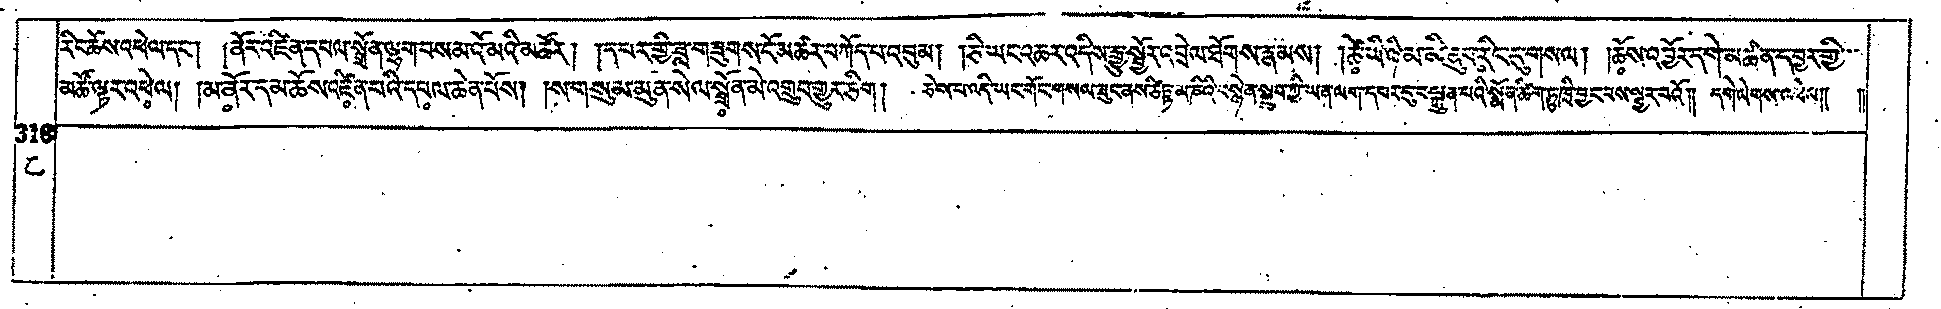རིང་ཆོས་འཕེལ་དང་། །ནོར་འཛིན་དཔལ་སྒྲོན་ལྷག་བསམ་འོ་མའི་མཚོར། །དཔར་གྱི་ཟླ་གཟུགས་ངོ་མཚར་བཀོད་པ་འབུམ། །ཅི་ཡང་འཆར་འདིས་རྒྱུ་སྦྱོར་འབྲེལ་ཐོགས་རྣམས། །ཚེ྾་ཡི་ཉི་མ་མི་ནུབ་རིང྾་དུ་གསལ། །ཆོས྾་འབྱོར་དགེ་མཚན་དབྱར་གྱི་་་
མཚོ་ལྟར་འཕེལ྾། །མ་ནོར྾་དམ་ཆོས་འཛིན྾་པའི་དཔལ྾་ཆེན་པོས། །ས་གསུམ་མུན་སེལ་སྒྲོན྾་མེ་འགྲུབ་གྱུར་ཅིག། །ཅེས་པ་འདི་ཡང་གོང་གསལ་ཟུང་ནས་ཙིཏྟ་མ་ཎིའི་བསྙེན་སྒྲུབ་ཀྱི་ཡན་ལག་དཔར་དུ་བསྐྲུན་པའི་སྨོན་ཚིག་ཏུ་ཁྲི་བྱང་པས་སྦྱར་བའོ།། དགེ་ལེགས་འཕེལ།། །།